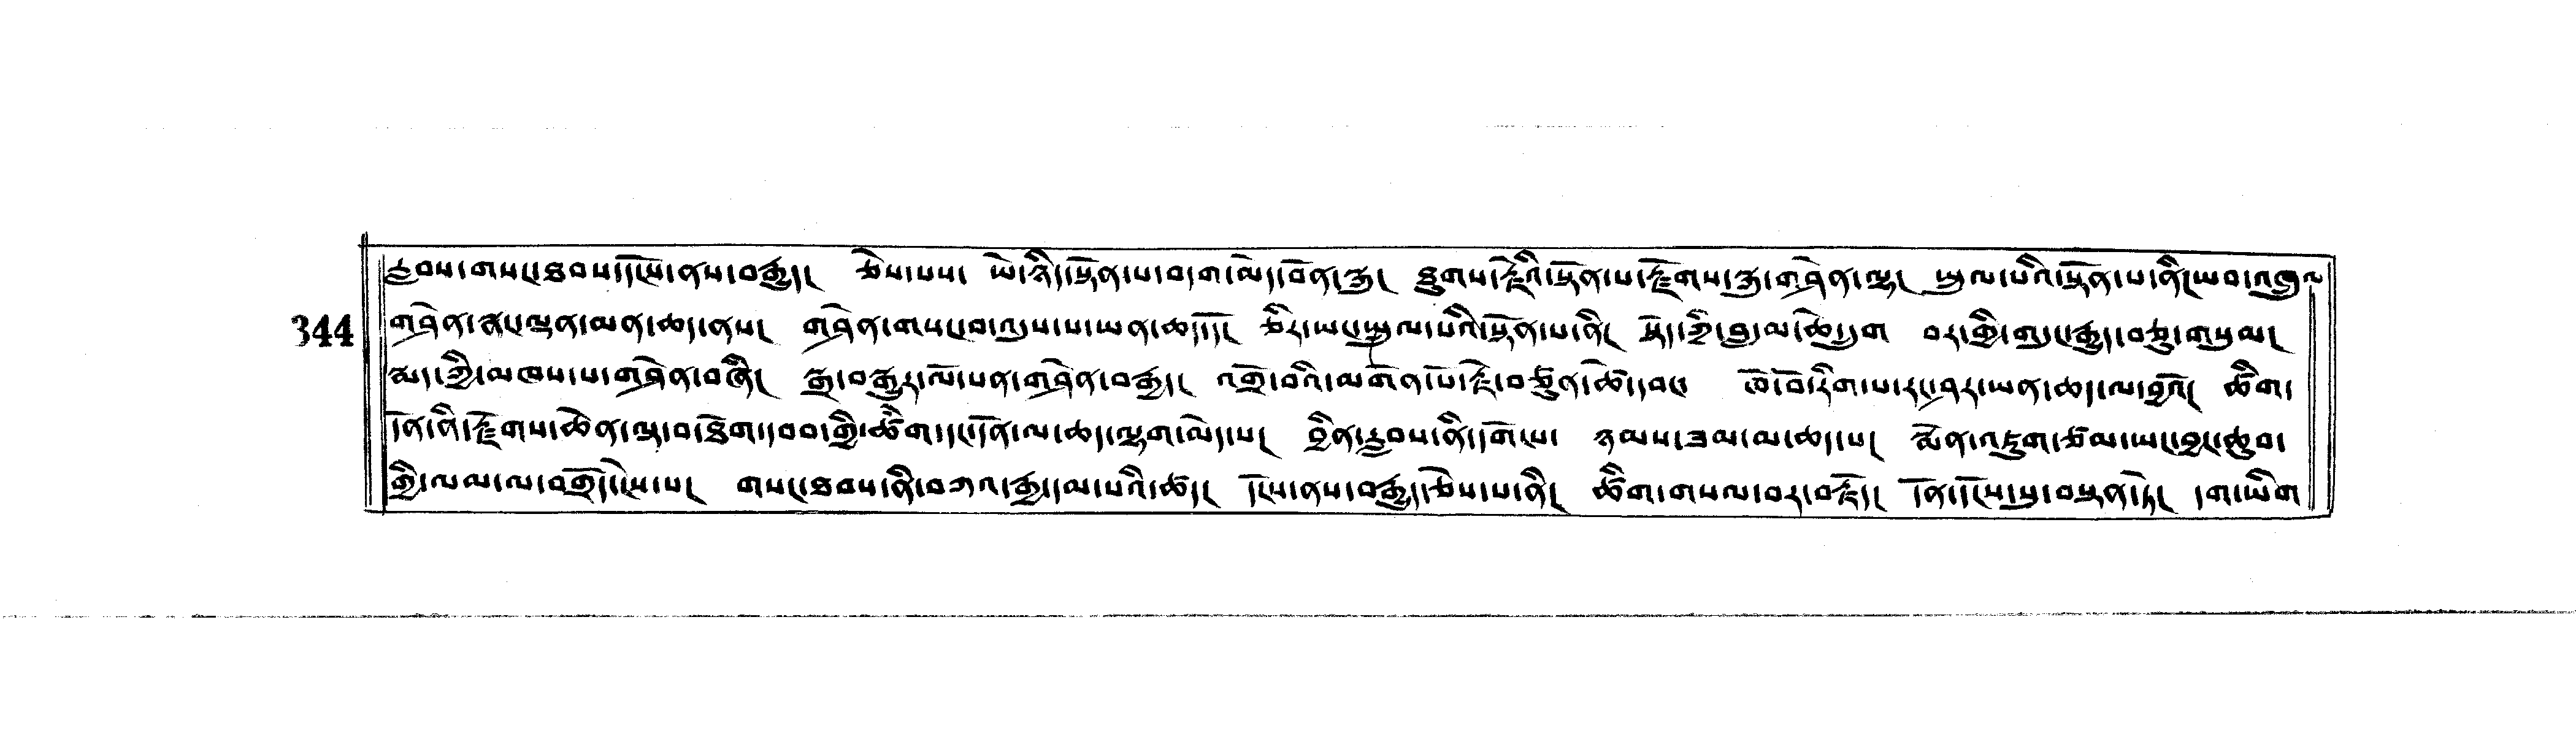རླབས་གསང་ཐབས་དངོས་ནས་བརྒྱུད། ཅེས་པས་ཡེ་ཉིད་སྟོན་པ་བདག་མེད་བོན་སྐུ། ཐུགས་རྗེའི་སྟོན་པ་རྫོགས་སྐུ་གཤེན་ལྷ། སྤྲུལ་པའི་སྟོན་པ་ནི་ཡབ་འཕྲུལ་
གཤེན་སྣང་ལྡན་མན་ཆད་ནས་གཤེན་གསང་བ་འདུས་པ་ཡན་ཆད་དོ། ཅིར་ཡང་སྤྲུལ་པའི་སྟོན་པ་ནི། སྟོད་ཀྱི་བླ་མ་ཆེ་དྲུག་བར་གྱི་གདུང་བརྒྱུད་བཅུ་གསུམ། 
སྨད་ཀྱི་མཁས་པ་གཤེན་བཞི། སྒྲ་སྒྱུར་ལོ་པཎ་གཤེན་བརྒྱད། འགྲོ་བའི་མགོན་པོ་རྗེ་བཙུན་ཚེ་དབང་། ཁོ་བོ་རིག་པ་རང་ཤར་ཡན་ཆད་ལ་བྱའོ། ཚིག་
དོན་ནི་རྫོགས་ཆེན་ལྟ་བ་ཐོག་དབབ་ཀྱི་ཚིག་དང་དོན་ལ་ཆད་ལྷག་མེད་པ། བྱིན་རླབས་ནི་དགོངས་ཉམས་ཟམ་མ་ཆད་པ། སྨོན་འཇུག་ཙམ་ཡང་བྱང་ཆུབ་
ཀྱི་ལམ་ལ་བགྲོད་ངེས་པ། གསང་ཐབས་ནི་བཀའ་རྒྱ་དམ་པའི་ཚད། དངོས་ནས་བརྒྱུད་ཅེས་པ་ནི། ཚིག་གསལ་བར་བརྗོད། དོན་དངོས་སུ་བསྟན་ཏེ། དག་ཡིག་